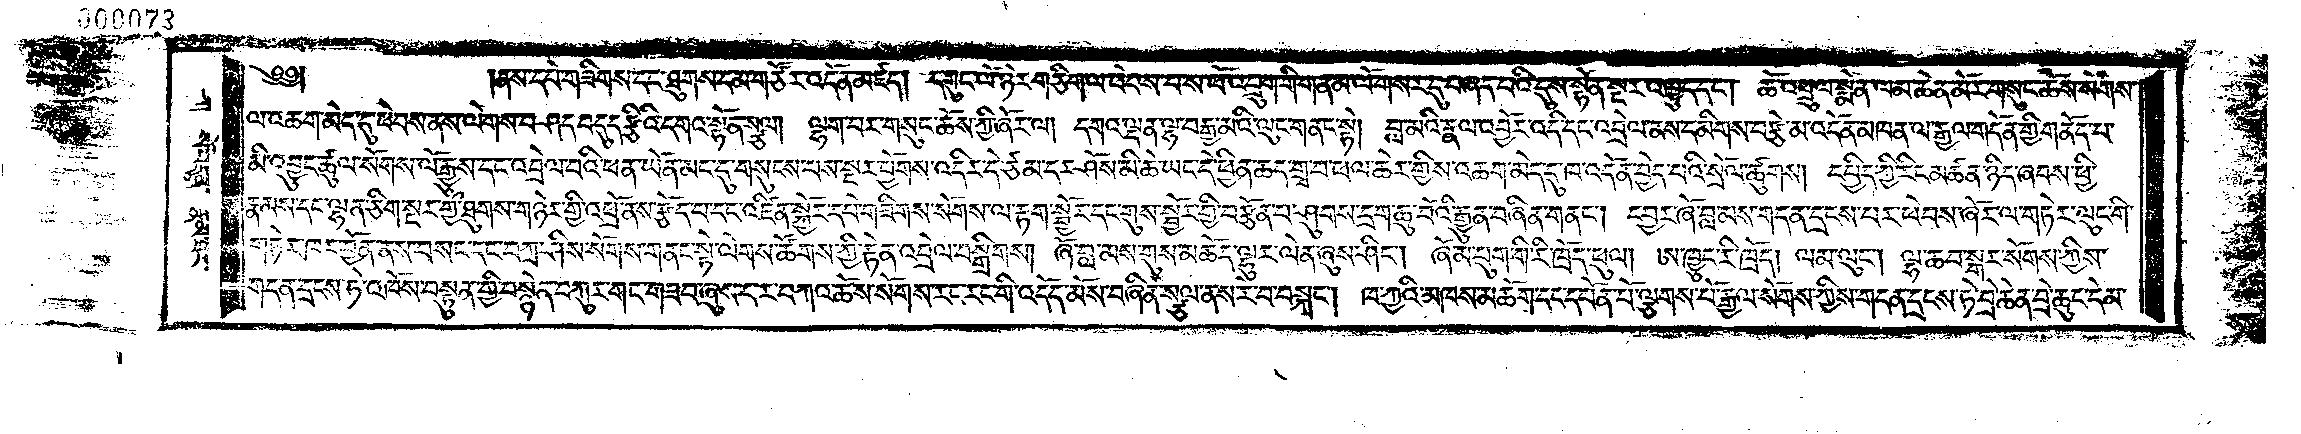༄༅། །ནས་དཔེ་གཟིགས་དང་ཐུགས་དམ་གཙོར་འདོན་མཛད། དགུང་ལོ་ཉེར་གཅིག་ལ་ཕེབས་པས་ཕོ་འབྲུག་གི་གནམ་ལོ་གསར་དུ་བཞད་པའི་དུས་སྟེན་སྔར་འཁྱུད་དང་། ཆོ་འཕྲུལ་སྨོན་ལམ་ཆེན་མོར་གསུང་ཆོས་སོགས་
ལ་འཆག་མེད་དུ་ཕེབས་ནས་ལེགས་བཤད་བདུད་རྩིའི་དགའ་སྟོན་སྩལ། ལྷག་པར་གསུང་ཆོས་ཀྱི་ཞོར་ལ། དགའ་ལྡན་ལྷ་བརྒྱ་མའི་ལུང་གནང་སྟེ། བླ་མའི་རྣལ་འབྱོར་འདི་དང་འབྲེལ་ནས་དམིགས་བརྩེ་མ་འདོན་མཁན་ལ་རྒྱལ་གདོན་གྱི་གནོད་པ་
མི་འབྱུང་ཚུལ་སོགས་ལོ་རྒྱུས་དང་འབྲེལ་བའི་ཕན་ཡོན་མང་དུ་གསུངས་པས་སྔར་ཕྱོགས་འདིར་དེ་ཙམ་དར་ཤོས་མི་ཆེ་ཡང་དེ་ཕྱིན་ཆད་གྲྭ་བ་ཕལ་ཆེར་གྱིས་འཆག་མེད་དུ་ཁ་འདོན་བྱེད་པའི་སྲོལ་ཚུགས། དཔྱིད་ཀྱི་རིང་མཚན་ཉིད་ཞབས་ཕྱི་
རྣམས་དང་ལྷན་ཅིག་སྔར་གྱྀ་ཐུགས་གཉེར་གྱི་འཕྲོ་ནས་རྩོད་པ་དང་འཛིན་སྐྱོར་དཔེ་གཟིགས་སོགས་ལ་རྟག་སྦྱོར་དང་གུས་སྦྱོར་གྱི་བརྩོན་པ་ཤུགས་དྲག་ཆུ་བོའི་རྒྱུན་བཞིན་གནང་། དབྱར་ཞོ་བླ་མས་གདན་དྲངས་པར་ཕེབས་ཞོར་ལ་གཏེར་ལུང་གི་
གཏེར་ཁར་བྱོན་ནས་བསང་དང་བཀྲ་ཤིས་སོགས་གནང་སྟེ་ལེགས་ཚོགས་ཀྱི་རྟེན་འབྲེལ་བསྒྲིགས། ཞོ་བླ་མས་གུས་མཆོད་ལྷུར་ལེན་ཞུས་ཤིང་། ཞོམ་བུག་གི་རི་ཁྲོད་ཕུལ། ཨ་ཁྱུང་རི་ཁྲོད། ལམ་ལུང་། ལྷ་ཆབ་སྒར་སོགས་ཀྱིས་
གདན་དྲངས་ཏེ་འཁོས་བསྟུན་གྱི་བསྙེན་བཀུར་གང་གཟབ་ཞུས་པར་བཀའ་ཆོས་སོགས་རང་རང་གི་འདོད་མོས་བཞིན་སྩལ་ནས་རེ་བ་བསྐང་། ཁ་ཀྱའི་མཁས་མཆོག་དང་དཔོན་པོ་ལྕགས་པོ་རྒྱལ་སོགས་ཀྱིས་གདན་དྲངས་ཏེ་བྲེ་ཆེན་བྲེ་ཆུང་དོམ་